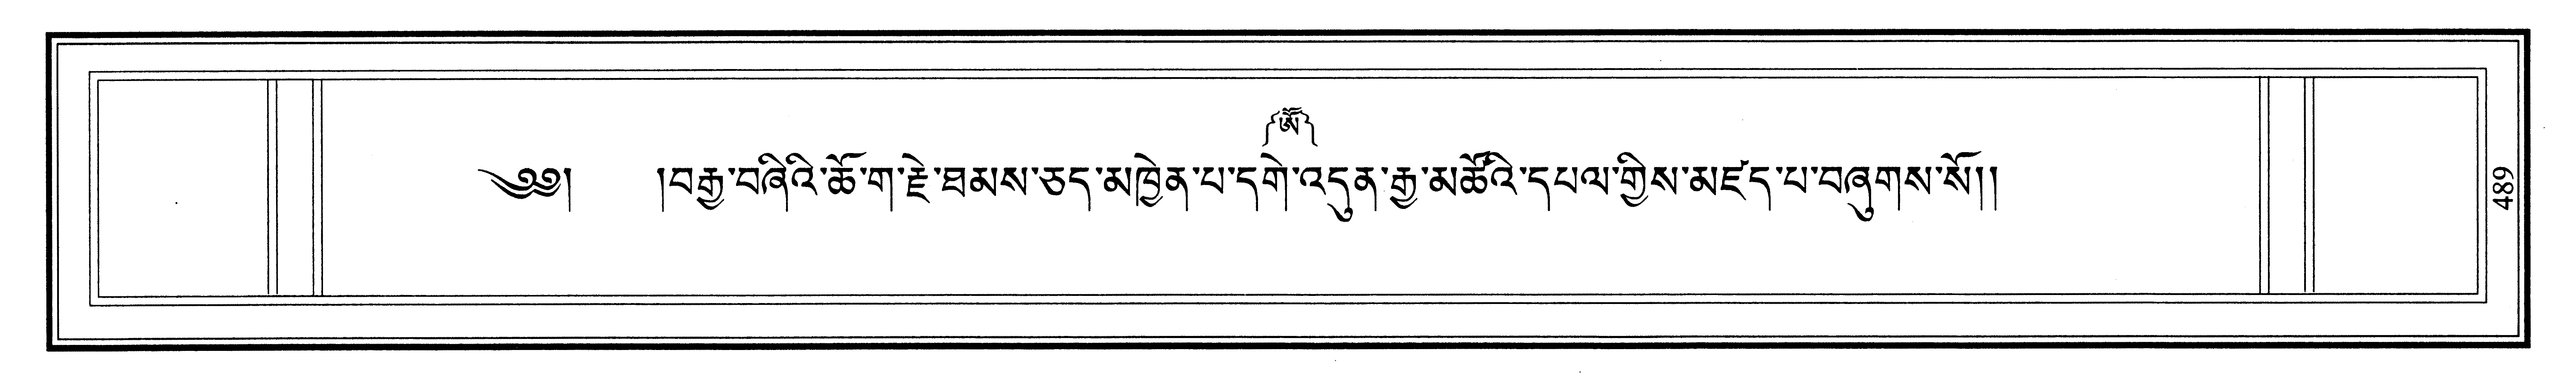༄༅། །བརྒྱ་བཞིའི་ཆོ་ག་རྗེ་ཐམས་ཅད་མཁྱེན་པ་དགེ་འདུན་རྒྱ་མཚོའི་དཔལ་གྱིས་མཛད་པ་བཞུགས་སོ།།